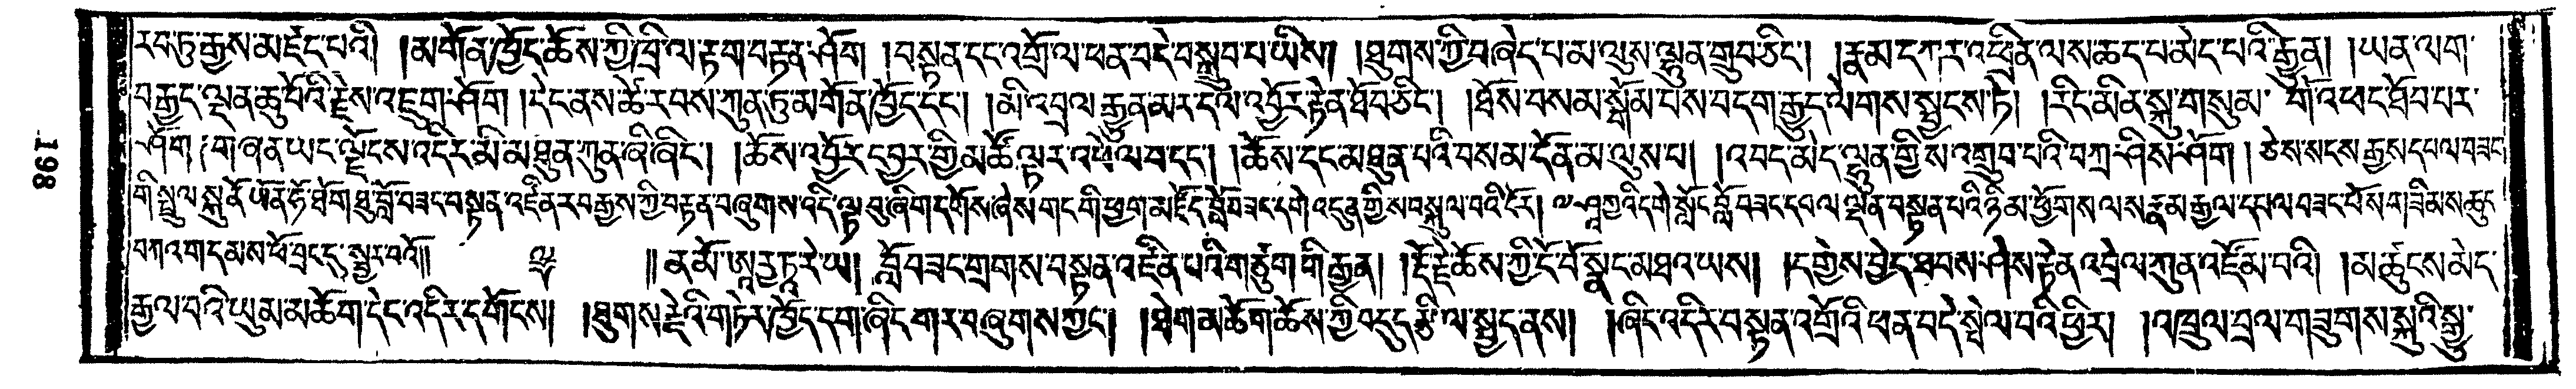རབ་ཏུ་རྒྱས་མཛད་པའི། །མགོན་ཁྱོད་ཆོས་ཀྱི་ཁྲི་ལ་རྟག་བརྟན་ཤོག །བསྟན་དང་འགྲོ་ལ་ཕན་བདེ་བསྒྲུབ་པ་ཡིས། །ཐུགས་ཀྱི་བཞེད་པ་མ་ལུས་ལྷུན་གྲུབ་ཅིང་། །རྣམ་དཀར་འཕྲིན་ལས་ཆད་པ་མེད་པའི་རྒྱུན། །ཡན་ལག་
བརྒྱད་ལྡན་ཆུ་བོའི་རྗེས་འཇུག་ཤོག །དེང་ནས་ཚེ་རབས་ཀུན་ཏུ་མགོན་ཁྱོད་དང་། །མི་འབྲལ་རྒྱུན་མར་དལ་འབྱོར་རྟེན་ཐོབ་ཅིང་། །ཐོས་བསམ་སྒོམ་པས་བདག་རྒྱུད་ལེགས་སྦྱངས་ཏེ། །རིང་མིན་སྐུ་གསུམ་གོ་འཕང་ཐོབ་པར་
ཤོག ༑གཞན་ཡང་ལྗོངས་འདིར་མི་མཐུན་ཀུན་ཞི་ཞིང་། །ཆོས་འབྱོར་དབྱར་གྱི་མཚོ་ལྟར་འཕེལ་བ་དང་། །ཆོས་དང་མཐུན་པའི་བསམ་དོན་མ་ལུས་པ། །འབད་མེད་ལྷུན་གྱིས་འགྲུབ་པའི་བཀྲ་ཤིས་ཤོག །ཅེས་སངས་རྒྱས་དཔལ་བཟང་
གི་སྤྲུལ་སྐུ་ནོ་ཡོན་ཧོ་ཐོག་ཐུ་བློ་བཟང་བསྟན་འཛིན་རབ་རྒྱས་ཀྱི་བརྟན་བཞུགས་འདི་ལྟ་བུ་ཞིག་དགོས་ཞེས་གང་གི་ཕྱག་མཛོད་བློ་བཟང་དགེ་འདུན་གྱིས་བསྐུལ་བའི་ངོར། ༧་ཤཱཀྱའི་དགེ་སློང་བློ་བཟང་དཔལ་ལྡན་བསྟན་པའི་ཉི་མ་ཕྱོགས་ལས་རྣམ་རྒྱལ་དཔལ་བཟང་པོས་གཟིམས་ཆུང་
བཀའ་གདམས་ཕོ་བྲང་དུ་སྦྱར་བའོ།། ༈ །།ན་མོ་ཨཱརྱ་ཏཱ་རེ་ཡ། བློ་བཟང་གྲགས་བསྟན་འཛིན་པའི་གཙུག་གི་རྒྱན། །རྡོ་རྗེ་ཆོས་ཀྱི་ངོ་བོ་སྣང་མཐའ་ཡས། །དགྱེས་བྱེད་ཐབས་ཤེས་རྟེན་འབྲེལ་ཀུན་འཛོམ་བའི། །མཚུངས་མེད་
རྒྱལ་བའི་ཡུམ་མཆོག་དེང་འདིར་དགོངས། །ཐུགས་རྗེའི་གཏེར་ཁྱོད་དག་ཞིང་གར་བཞུགས་ཀྱང་། །ཐེག་མཆོག་ཆོས་ཀྱི་བདུད་རྩི་ལ་སྦྱད་ནས། །ཞིང་འདིར་བསྟན་འགྲོའི་ཕན་བདེ་སྤེལ་བའི་ཕྱིར། །འཁྲུལ་བྲལ་གཟུགས་སྐུའི་སྒྱུ་